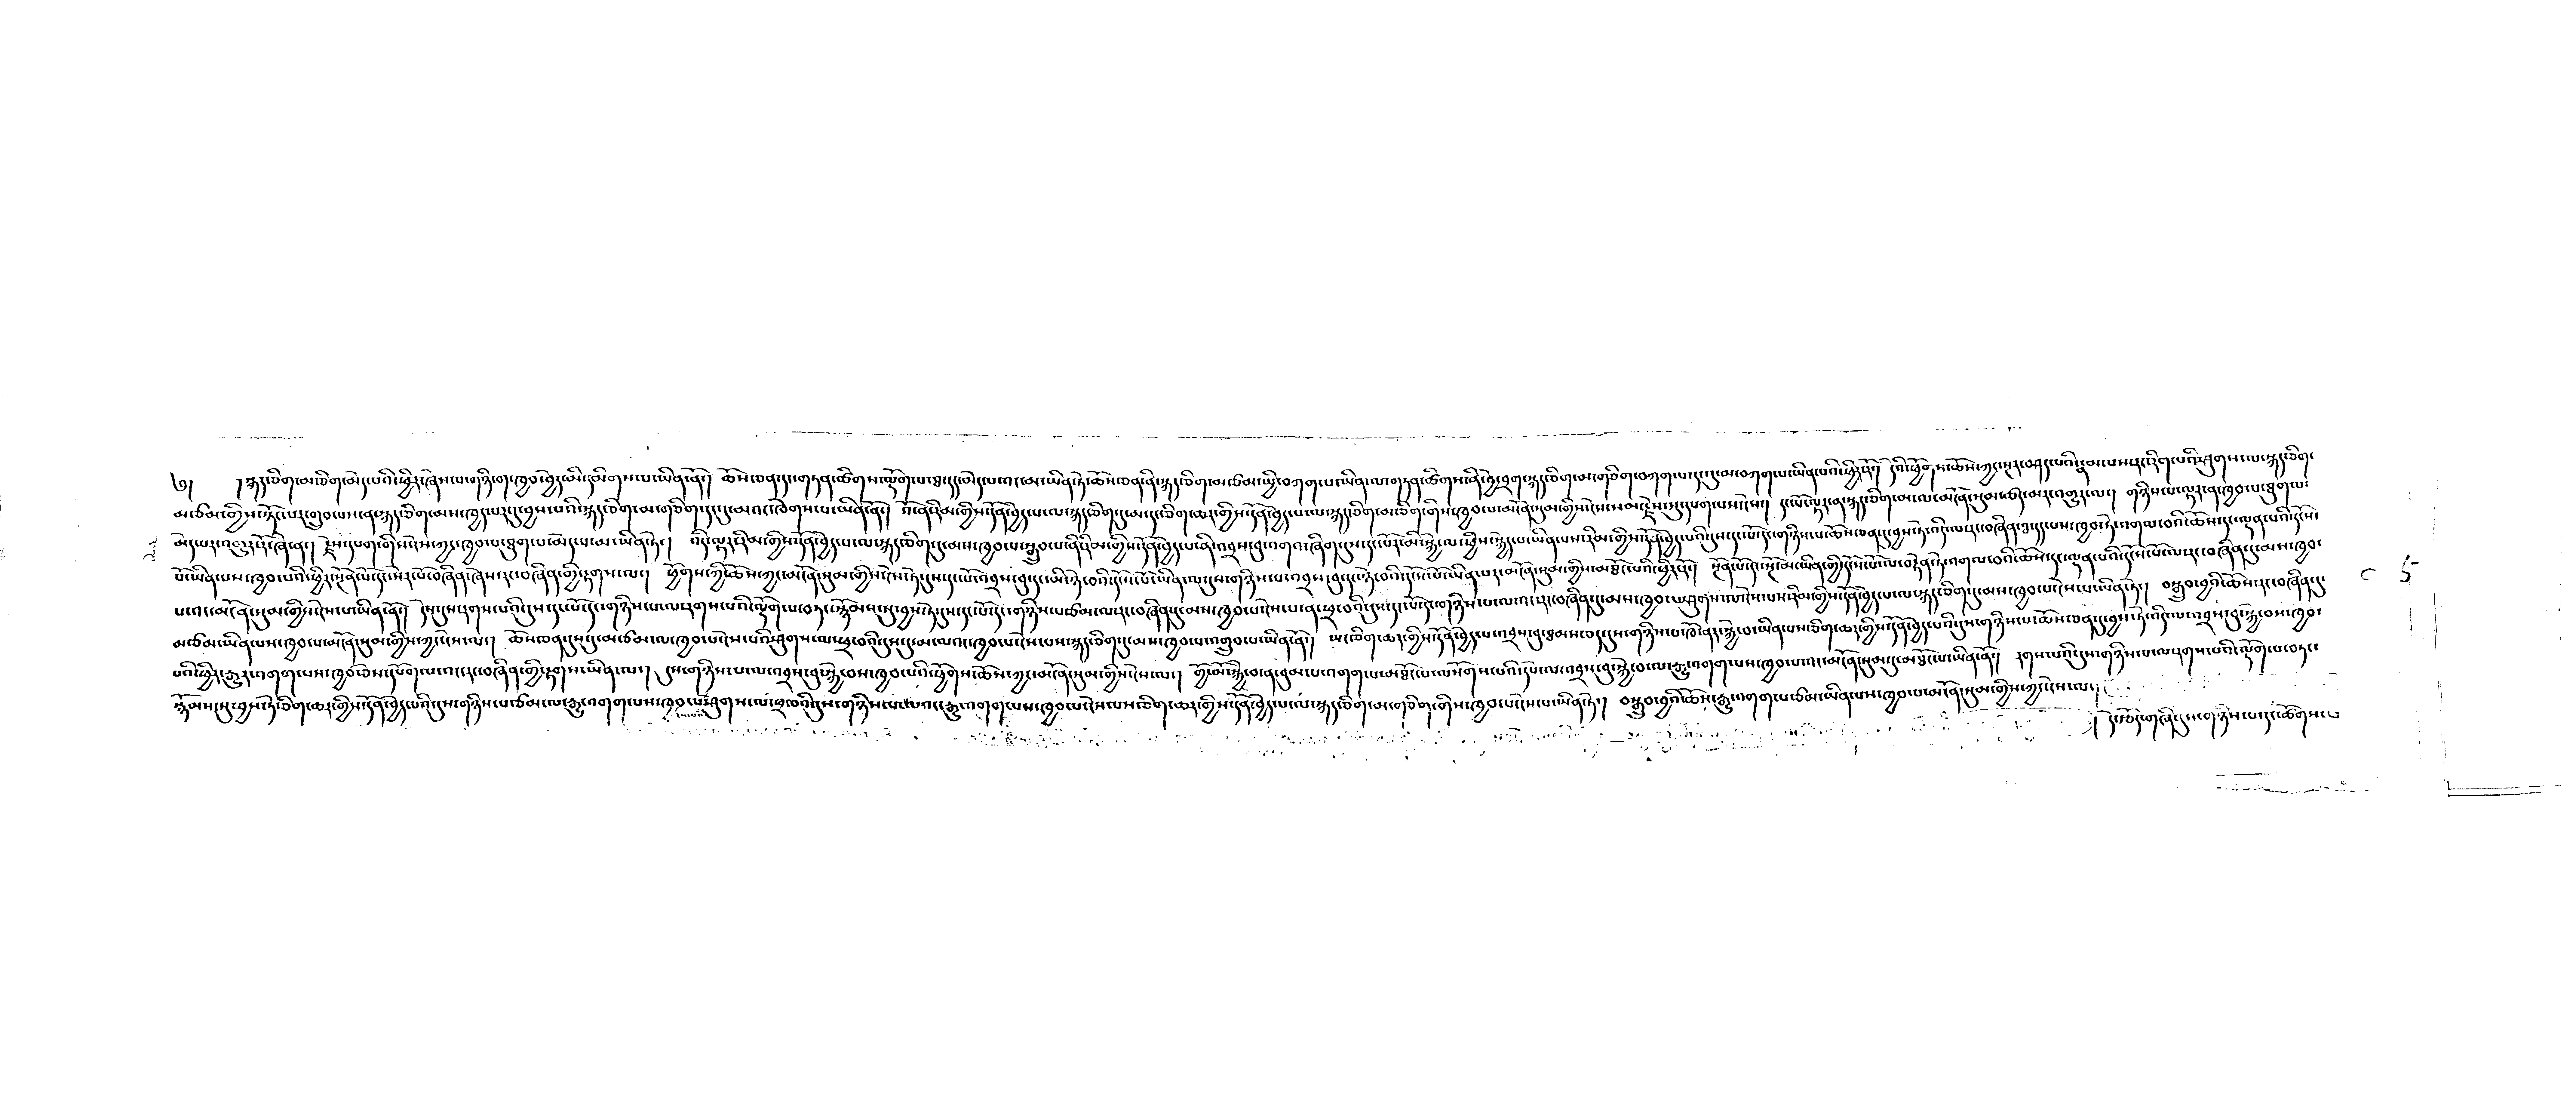༄༅། །སྐད་ཅིག་མ་ཅིག་མེད་པའི་ཕྱིར་ཞེས་པ་གཉི་ག་ཁྱབ་བྱེད་ཨི་དམིགས་པ་ཡིན་ནོ། ཆོས་ཅན་དང་གཏན་ཚིགས་ལྡོག་པ་ཐ་དད་མེད་པའང་མ་ཡིན་ཏེ་ཆོས་ཅན་ནི་སྐད་ཅིག་མ་ཙམ་སྤྱི་བཀག་པ་ཡིན་ལ་གཏན་ཚིགས་ནི་བྱེ་བྲག་སྐད་ཅིག་མ་གཅིག་བཀག་པ་དང་དུ་མ་བཀག་པ་ཡིན་པའི་ཕྱིར་རོ། དེའི་ཕྱོགས་ཆོས་ཀྱང་སྔར་བཤད་པའི་རྣམ་པས་རང་རིག་པའི་ཤུགས་ལ་སྐད་ཅིག་
མ་ཙམ་གྱིས་སྟོང་པར་གྲུབ་པས་ན་སྐད་ཅིག་མས་ཁྱད་པར་དུ་བྱས་པའི་སྐད་ཅིག་མ་གཅིག་དང་དུ་མའང་ཁེགས་པ་ཡིན་ནོ། འོ་ན་རིམ་གྱིས་དོན་བྱེད་པ་ལ་སྐད་ཅིག་དུ་མ་དང་ཅིག་ཆར་གྱིས་དོན་བྱེད་པ་ལ་སྐད་ཅིག་མ་ཅིག་གིས་ཁྱབ་པ་མངོན་སུམ་གྱིས་ངེས་སམ་རྗེས་སུ་དཔག་པས་ངེས། དང་པོ་ལྟར་ན་སྐད་ཅིག་མ་ལ་མངོན་སུམ་ཚད་མར་འགྱུར་ལ། གཉིས་པ་ལྟར་ན་ཁྱབ་པ་ཐུག་པ་ལ་མེད་པར་འགྱུར་རོ་ཞེ་ན། རྗེས་དཔག་གིས་ངེས་ཀྱང་ཁྱབ་པ་ཐུག་པ་མེད་པ་མ་ཡིན་ཏེ། འདི་ལྟར་རིམ་གྱིས་དོན་བྱེད་པ་ལ་སྐད་ཅིག་དུ་མས་ཁྱབ་པ་སྒྲུབ་པ་ནི་རིམ་གྱིས་དོན་བྱེད་པ་ནི་འབྲས་བུ་འགའ་ཞིག་དུས་དང་པོར་མི་སྐྱེ་ལ་ཕྱིས་སྐྱེད་པ་ཡིན་པས་རིམ་གྱིས་དོན་བྱེད་པའི་དུས་དང་པོ་དང་གཉིས་པ་ཆོས་ཅན་དུ་བྱས་ཏེ་འདི་ལ་རང་བཞིན་ཐ་དད་པས་ཁྱབ་ཏེ་འགལ་བའི་ཆོས་དང་ལྡན་པའི་དངོས་
པོ་ཡིན་པས་ཁྱབ་པའི་ཕྱིར་སྔོན་པོ་དང་སེར་པོ་བཞིན་ཞེས་རང་བཞིན་གྱི་རྟགས་ལ། ཕྱོགས་ཀྱི་ཆོས་ཀྱང་མངོན་སུམ་གྱིས་ངེས་ཏེ་དུས་དང་པོ་འབྲས་བུ་དང་མི་ཉེ་བའི་དངོས་པོ་ཡིན་ལ་དུས་གཉིས་པ་འབྲས་བུ་དང་ཉེ་བའི་དངོས་པོ་ཡིན་པར་མངོན་སུམ་གྱིས་མཐོང་པའི་ཕྱིར་རོ། སྔོན་པོ་དང་སྔོ་མ་ཡིན་གྱི་དངོས་པོ་ལ་བརྟེན་ཏེ་འགལ་བའི་ཆོས་དང་ལྡན་པའི་དངོས་པོ་ལ་རང་བཞིན་དུ་མས་ཁྱབ་
པ་འང་མངོན་སུམ་གྱིས་ངེས་པ་ཡིན་ནོ། དེས་དུས་རགས་པའི་དུས་དང་པོ་དང་གཉིས་པ་ལ་རགས་པའི་ལྡོག་པ་བཏང་སྙོམས་སུ་བྱས་ཏེ་དུས་དང་པོ་དང་གཉིས་པ་ཙམ་ལ་རང་བཞིན་དུ་མས་ཁྱབ་པ་ངེས་པ་ན་ཕྲ་བའི་དུས་དང་པོ་དེ་གཉིས་པ་ལ་འང་རང་བཞིན་དུ་མས་ཁྱབ་པ་ཤུགས་པ་ངེས་པས་རིམ་གྱིས་དོན་བྱེད་པ་ལ་སྐད་ཅིག་དུ་མས་ཁྱབ་པ་ངེས་པ་ཡིན་ཏེ། བསྒྲུབ་བྱའི་ཆོས་རང་བཞིན་དུ་
མ་ཙམ་ཡིན་པས་ཁྱབ་པ་མངོན་སུམ་གྱིས་ཀྱང་ངེས་ལ། ཆོས་ཅན་དུས་དུ་མ་ཙམ་ལ་ཁྱབ་པ་ངེས་པའི་ཤུགས་ལ་ཕྲ་བའི་དུས་དུ་མ་མའང་ཁྱབ་པ་ངེས་པས་སྐད་ཅིག་དུ་མས་ཁྱབ་པས་འགྲུབ་པ་ཡིན་ནོ། ཡང་ཅིག་ཆར་གྱིས་དོན་བྱེད་པ་འབྲས་བུ་ཐམས་ཅད་དུས་གཉིས་པ་ཁོ་ནར་སྐྱེ་བ་ཡིན་པས་ཅིག་ཆར་གྱིས་དོན་བྱེད་པའི་དུས་གཉིས་པ་ཆོས་ཅན་དུ་བྱས་ཏེ་འདི་ལ་འབྲས་བུ་སྐྱེ་བས་ཁྱབ་
པའི་ཕྱིར་རྒྱུར་འགག་པས་ཁྱབ་ཅེས་དཔོག་ལ་འང་རང་བཞིན་གྱི་རྟགས་ཡིན་ལ། དུས་གཉིས་པ་ལ་འབྲས་བུ་སྐྱེ་བས་ཁྱབ་པའི་ཕྱོགས་ཆོས་ཀྱང་མངོན་སུམ་གྱིས་ངེས་ལ། གྱོ་མོ་སྐྱེ་བ་ན་བུམ་པ་འགག་པ་མཐོང་པ་ལ་སོགས་པའི་དཔེ་ལ་འབྲས་བུ་སྐྱེ་བ་ལ་རྒྱུ་འགག་པས་ཁྱབ་པ་འང་མངོན་སུམ་དུ་མཐོང་པ་ཡིན་ནོ། རགས་པའི་དུས་གཉིས་པ་ལ་རགས་པའི་ལྡོག་པ་བཏང་
སྙོམས་སུ་བྱས་ཏེ་ཅིག་ཆར་གྱིས་དོན་བྱེད་པའི་དུས་གཉིས་པ་ཙམ་ལ་རྒྱུ་འགག་པས་ཁྱབ་པ་ཤུགས་ལ་ཕྲ་བའི་དུས་གཉིས་པ་ལའང་རྒྱུ་འགག་པས་ཁྱབ་པ་ངེས་པས་ཅིག་ཆར་གྱིས་དོན་བྱེད་པ་ལ་སྐད་ཅིག་མ་གཅིག་གིས་ཁྱབ་པ་ངེས་པ་ཡིན་ཏེ། བསྒྲུབ་བྱའི་ཆོས་རྒྱུ་འགག་པ་ཙམ་ཡིན་པས་ཁྱབ་པ་མངོན་སུམ་གྱིས་ཀྱང་ངེས་ལ། དེ་རྩོད་གཞི་དུས་གཉིས་པ་དང་ཚོགས་